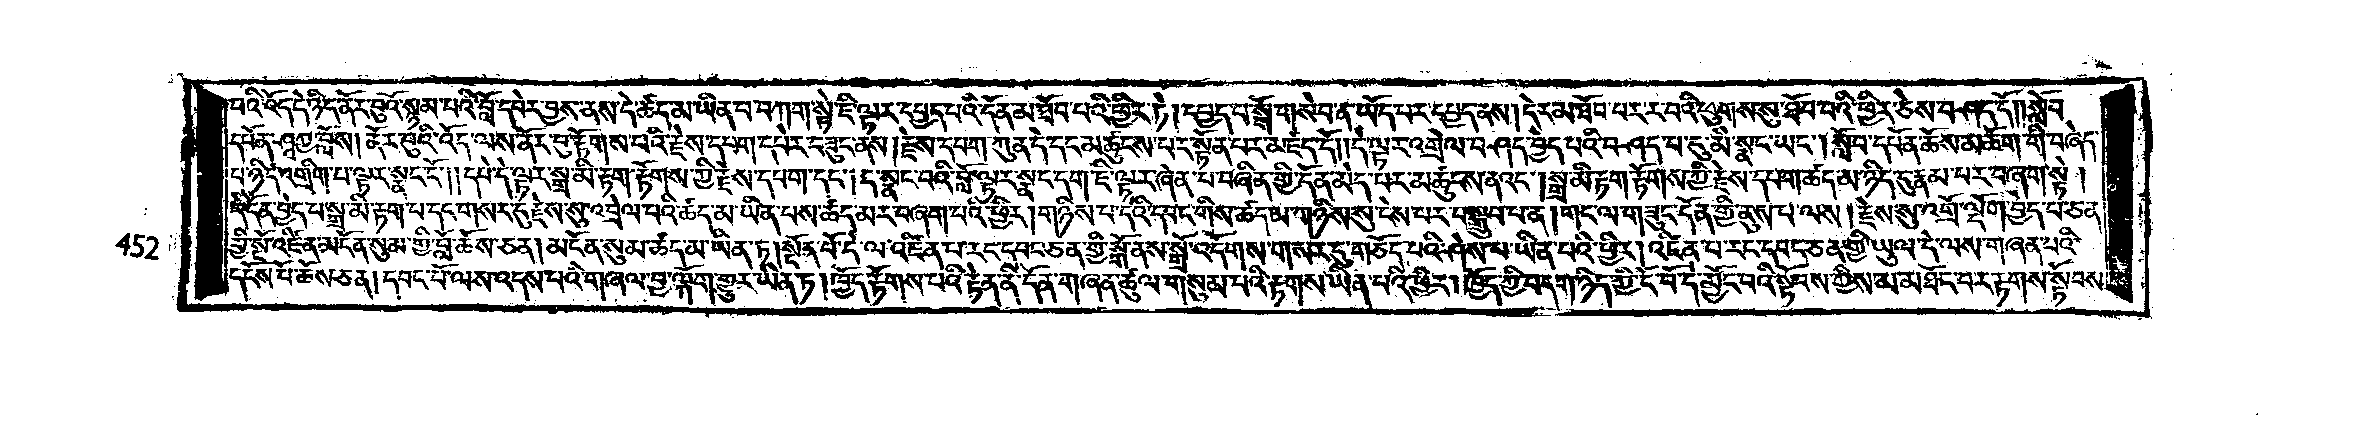པའི་འོད་དེ་ཉིད་ནོར་བུའོ་སྙམ་པའི་བློ་དཔེར་བྱས་ནས་དེ་ཚད་མ་ཡིན་པ་བཀག་སྟེ་ཇི་ལྟར་དཔྱད་པའི་དོན་མ་ཐོབ་པའི་ཕྱིར་ཏེ། དཔྱད་པ་སྒོ་གསེབ་ན་ཡོད་པར་དཔྱད་ནས། དེར་མ་ཐོབ་པར་ར་བའི་ཕུགས་སུ་ཐོབ་པའི་ཕྱིར་ཅེས་བཤད་དོ། །སློབ་
དཔོན་ཤཱཀྱ་བློས། ནོར་བུའི་འོད་ལས་ནོར་བུ་རྟོགས་པའི་རྗེས་དཔག་དཔེར་བཟུང་ནས། རྗེས་དཔག་ཀུན་དེ་དང་མཚུངས་པར་སྟོན་པར་མཛད་དོ། །དེ་ལྟར་འགྲེལ་བཤད་བྱེད་པའི་བཤད་པ་ངུ་མི་སྣང་ཡང་། སློབ་དཔོན་ཆོས་མཆོག་གི་བཞེད་
པ་ཉིད་འགྲིག་པ་ལྟར་སྣང་ངོ། །དཔེ་དེ་ལྟར་སྒྲ་མི་རྟག་རྟོགས་ཀྱི་རྗེས་དཔག་དང་། དེ་སྣང་བའི་བློ་ལྟར་སྣང་དག་ཇི་ལྟར་ཞེན་པ་བཞིན་གྱི་དོན་མེད་པར་མཚུངས་ནའང་། སྒྲ་མི་རྟག་རྟོགས་ཀྱི་རྗེས་དཔག་ཚད་མ་ཉིད་དུ་རྣམ་པར་བཞག་སྟེ།
དེ་དོན་བྱེད་པ་སྒྲ་མི་རྟག་པ་དང་གསར་དུ་རྗེས་སུ་འབྲེལ་བའི་ཚད་མ་ཡིན་པས་ཚད་མར་བཞག་པའི་ཕྱིར། གཉིས་པ་དེའི་དབང་གིས་ཚད་མ་གཉིས་སུ་ངེས་པར་བསྒྲུབ་པ་ན། གང་ལ་གཟུང་དོན་གྱི་ནུས་པ་ལས། རྗེས་སུ་འགྲོ་ལྡོག་བྱེད་པ་ཅན་
གྱི་སྔོ་འཛིན་མངོན་སུམ་གྱི་བློ་ཆོས་ཅན། མངོན་སུམ་ཚད་མ་ཡིན་ཏེ། སྔོན་པོ་དེ་ལ་འཛིན་པ་རང་དབང་ཅན་གྱི་སྒོ་ནས་སྒྲོ་འདོགས་གསར་དུ་གཅོད་པའི་ཤེས་པ་ཡིན་པའི་ཕྱིར། འཛིན་པ་རང་དབང་ཅན་གྱི་ཡུལ་དེ་ལས་གཞན་པའི་
དངོས་པོ་ཆོས་ཅན། དབང་པོ་ལས་འདས་པའི་གཞལ་བྱ་ལྐོག་གྱུར་ཡིན་ཏེ། ཁྱོད་རྟོགས་པའི་རྟེན་ནི་དོན་གཞན་ཚུལ་གསུམ་པའི་རྟགས་ཡིན་པའི་ཕྱིར། ཁྱོད་ཀྱི་བདག་ཉིད་ཀྱི་ངོ་བོ་དེ་མྱོང་བའི་སྟོབས་ཀྱིས་མ་མཐོང་བར་རྟགས་སྟོབས་